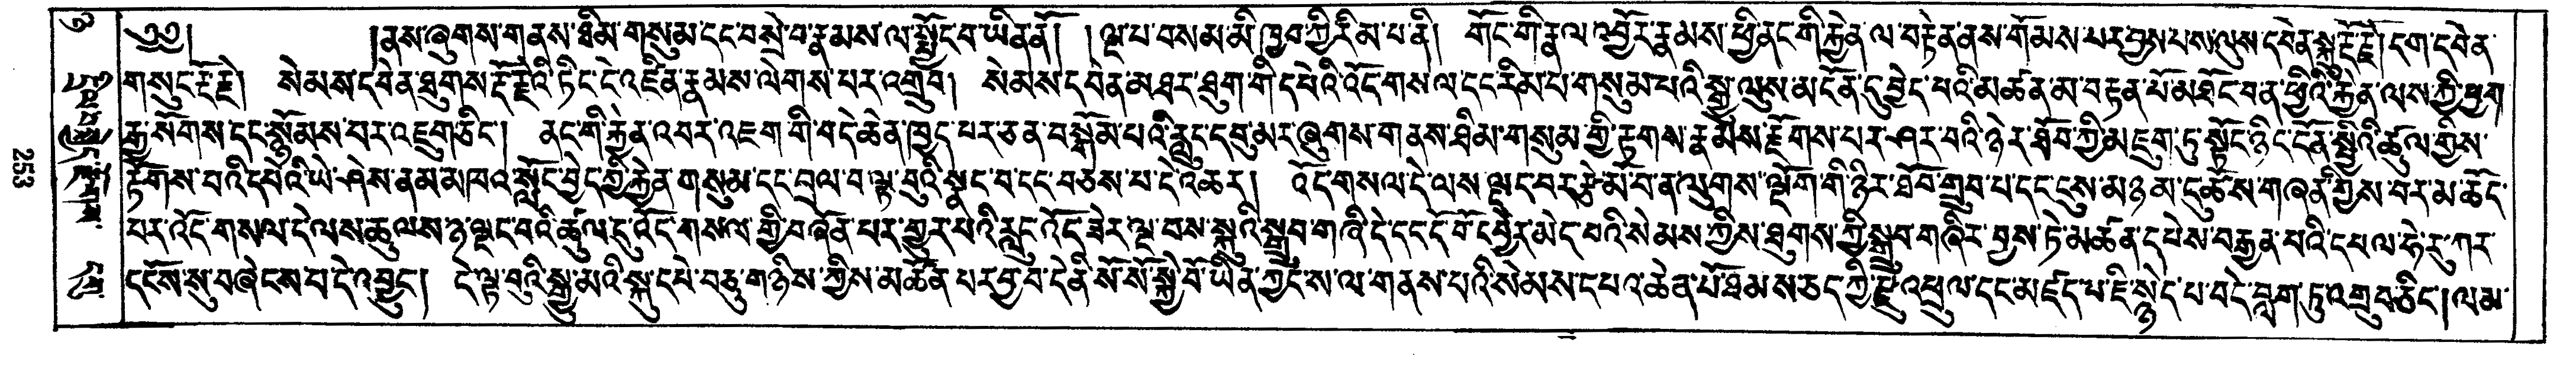༄༅། །ནས་ཞུགས་གནས་ཐིམ་གསུམ་དང་བསྲེ་བ་རྣམས་ལ་སྦྱོང་བ་ཡིན་ནོ། །ལྔ་པ་བསམ་མི་ཁྱབ་ཀྱི་རིམ་པ་ནི། གོང་གི་རྣལ་འབྱོར་རྣམས་ཕྱི་ནང་གི་རྐྱེན་ལ་བརྟེན་ནས་གོམས་བར་བྱས་པས་ལུས་དབེན་སྐུ་རྡོ་རྗེ། ངག་དབེན་
གསུང་རྡོ་རྗེ། སེམས་དབེན་ཐུགས་རྡོ་རྗེའི་ཏིང་དེ་འཛིན་རྣམས་ལེགས་པར་འགྲུབ། སེམས་དབེན་མཐར་ཐུག་གི་དཔེའི་འོད་གསལ་དང་རིམ་པ་གསུམ་པའི་སྒྱུ་ལུས་མངོན་དུ་བྱེད་པའི་མཚན་མ་བརྟན་པོ་མཐོང་བ་ན་ཕྱིའི་རྐྱན་ལས་ཀྱི་ཕྱག་
རྒྱ་སོགས་དང་སྙོམས་པར་འཇུག་ཅིང་། ནང་གི་རྐྱེན་འབར་འཛག་གི་བདེ་ཆེན་ཁྱད་པར་ཅན་བསྒོམ་པའི་རླུང་དབུ་མར་ཞུགས་གནས་ཐིམ་གསུམ་གྱི་རྟགས་རྣམས་རྫོགས་པར་ཤར་བའི་ཉེར་ཐོབ་ཀྱི་མཇུག་ཏུ་སྟོང་ཉིད་དོན་སྤྱིའི་ཚུལ་གྱིས་
རྟོགས་པའི་དཔེའི་ཡེ་ཤེས་ནམ་མཁའ་སློང་བྱེད་ཀྱི་རྐྱེན་གསུམ་དང་བྲལ་བ་ལྟ་བུའི་སྣང་བ་དང་བཅས་པ་དེ་འཆར། འོད་གསལ་དེ་ལས་ལྡང་བར་རྩོམ་པ་ན་ལུགས་ལྡོག་གི་ཉེར་ཐོབ་གྲུབ་པ་དང་དུས་མཉམ་དུ་ཆོས་གཞན་གྱིས་བར་མཆོད་
པར་འོད་གསལ་དེ་ལས་ཆུ་ལས་ཉ་ལྡང་བའི་ཚུལ་དུ་འོད་གསལ་གྱི་བཞོན་པར་གྱུར་པའི་རླུང་འོད་ཟེར་ལྔ་པས་སྐུའི་སྒྲུབ་གཞི་དེ་དང་ངོ་བོ་དབྱེར་མེད་པའི་སེམས་ཀྱིས་ཐུགས་ཀྱི་སྒྲུབ་གཞིར་བྱས་ཏེ་མཚན་དཔེས་བརྒྱན་པའི་དཔལ་ཧེ་རུ་ཀར་
དངོས་སུ་བཞེངས་པ་དེ་འབྱུང་། དེ་ལྟ་བུའི་སྒྱུ་མའི་སྐུ་དཔེ་བཅུ་གཉིས་ཀྱིས་མཚོན་པར་བྱ་བ་དེ་ནི་སོ་སོ་སྐྱེ་བོ་ཡིན་ཀྱང་ས་ལ་གནས་པའི་སེམས་དཔའ་ཆེན་པོ་ཐམས་ཅད་ཀྱི་རྫུ་འཕྲུལ་དང་མཛད་པ་ཇི་སྙེད་པ་བདེ་བླག་ཏུ་འགྲུབ་ཅིང་། ལམ་